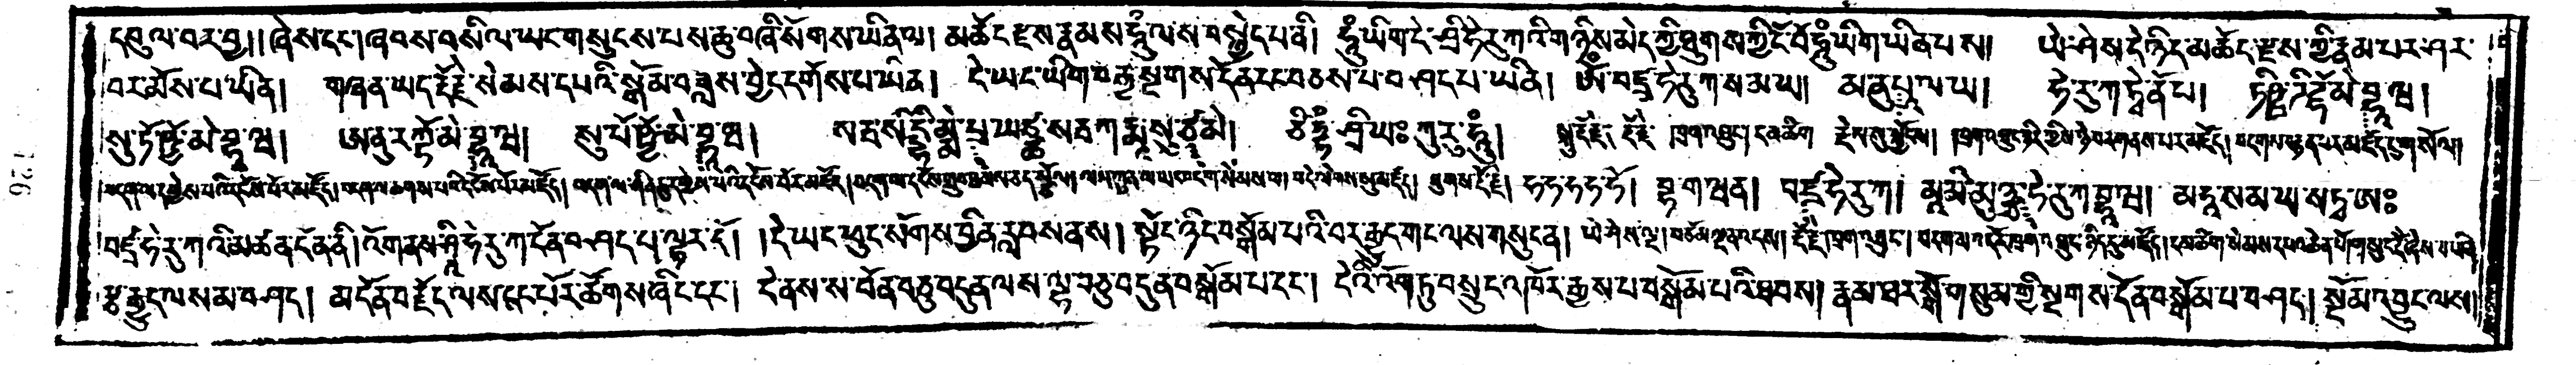དབུལ་བར་བྱ། །ཞེས་དང་། ཞབས་བསིལ་ཡང་གསུངས་པས་ཆུ་བཞི་སོགས་ཡིན་ལ། མཆོད་རྫས་རྣམས་ཧཱུཾ་ལས་བསྐྱེད་པ་ནི། ཧཱུཾ་ཡིག་དེ་ཤྲི་ཧེ་རུ་ཀའི་གཉིས་མེད་ཀྱི་ཐུགས་ཀྱི་ངོ་བོ་ཧཱུཾ་ཡིག་ཡིན་པས། ཡེ་ཤེས་དེ་ཉིད་མཆོག་རྫས་ཀྱི་རྣམ་པར་ཤར་
བར་མོས་པ་ཡིན། གཞན་ཡེད་རྡོ་རྗེ་སེམས་དཔའི་སྒོམ་བཟླས་བྱེད་དགོས་པ་ཡིན། དེ་ཡང་ཡིག་བརྒྱ་སྔགས་དོན་དང་བཅས་པ་བཤད་པ་ཡིན། ཨོཾ་བཛྲ་ཧེ་རུ་ཀ་ས་མ་ཡ། མ་ནུ་པཱ་ལ་ཡ། ཧེ་རུ་ཀ་ཏྭེ་ནོ་པ། ཏཥི་ཌིཌྷོ་མེ་བྷཱ་ཝ།
སུ་ཏོ་ཥྱོ་མེ་བྷྭ་ཝ། ཨ་ནུ་རཁོ་མེ་བྷཱ་ཝ། སུ་པོ་ཥྱོ་མེ་བྷཱ་ཝ། སརྦ་སིདྡྷི་མྨེ་པྲ་ཡཙྪ་སརྦ་ཀརྨཱ་སུ་ཙ་མེ། ཙི་ཏྟཾ་ཤྲི་ཡཿ ཀུ་རུ་ཧཱུཾ། སྐུ་རྡོ་རྗེ༑ རྡོ་རྗེ་ཁྲག་འཐུང་། དམ་ཚིག་རྗེས་སུ་སྐྱོངས། ཁྲག་འཐུང་ཉིད་ཀྱིས་ཉེ་བར་གནས་པར་མཛོད། བདགས་བརྟན་པར་མཛོད་དུ་གསོལ།
བདག་ལ་དགྱེས་པའི་དངོས་པོར་མཛོད། བདག་ལ་ཆགས་པའི་དངོས་པོར་མཛོད། བདག་ལ་ཤིན་ཏུ་དགྱེས་པའི་དངོས་བོར་མཛོད། བདག་ལ་དངོས་གྲུབ་ཐམས་ཅད་སྩོལ། ལས་ཀུན་ལ་ཡང་བདེག་སེམས་ལ། བདེ་ལེགས་སུ་མཛད། ཐུགས་རྡོ་རྗེ། ཧ་ཧ་ཧ་ཧ་ཧོ། བྷ་ག་ཝན། བཛྲ་ཧེ་རུ་ཀ། མཱ་མི་མུཉྩ་ཧེ་རུ་ཀ་བྷཱ་ཝ། མ་ཧཱ་ས་མ་ཡ་ས་ཏྭ་ཨཿ
བཛྲ་ཧེ་རུ་ཀའི་མཚན་དོན་ནི། འོག་ནས་ཤཱི་ཧེ་རུ་ཀ་དོན་བཤད་པ་ལྟར་ངོ། །དེ་ཡང་ཕུང་སོགས་བྱིན་རླབས་ནས། སྟོང་ཉིད་བསྒོམ་པའི་བར་རྒྱུད་གང་ལས་གསུང་ན། ཡེ་ཤེས་ལྔ། བཅོམ་ལྡན་འདས། རྡོ་རྗེ་ཁྲག་འཐུང་། བདག་མ་འདོར་ཁྲག་འཐུང་ཉིད་དུ་མཛོད། དམ་ཚིག་སེམས་དཔའ་ཆེན་པོ། གསུང་རྡོ་ཞེས་པ་ཡིན་
རྩ་རྒྱུད་ལས་མ་བཤད། མདོན་བརྗོད་ལས་དང་པོར་ཚོགས་ཞིང་དང་། དེ་ནས་ས་བོན་བཅུ་བདུན་ལས་ལྷ་བཅུ་བདུན་བསྒོམ་པ་དང་། དེའི་འོག་ཏུ་བསྲུང་འཁོར་རྒྱས་པ་བསྒོམ་པའི་ཐབས། རྣམ་ཐར་སྒོ་གསུམ་གྱི་སྔགས་དོན་བསྒོམ་པ་བཤད། སྔོམ་འབྱུང་ལས།